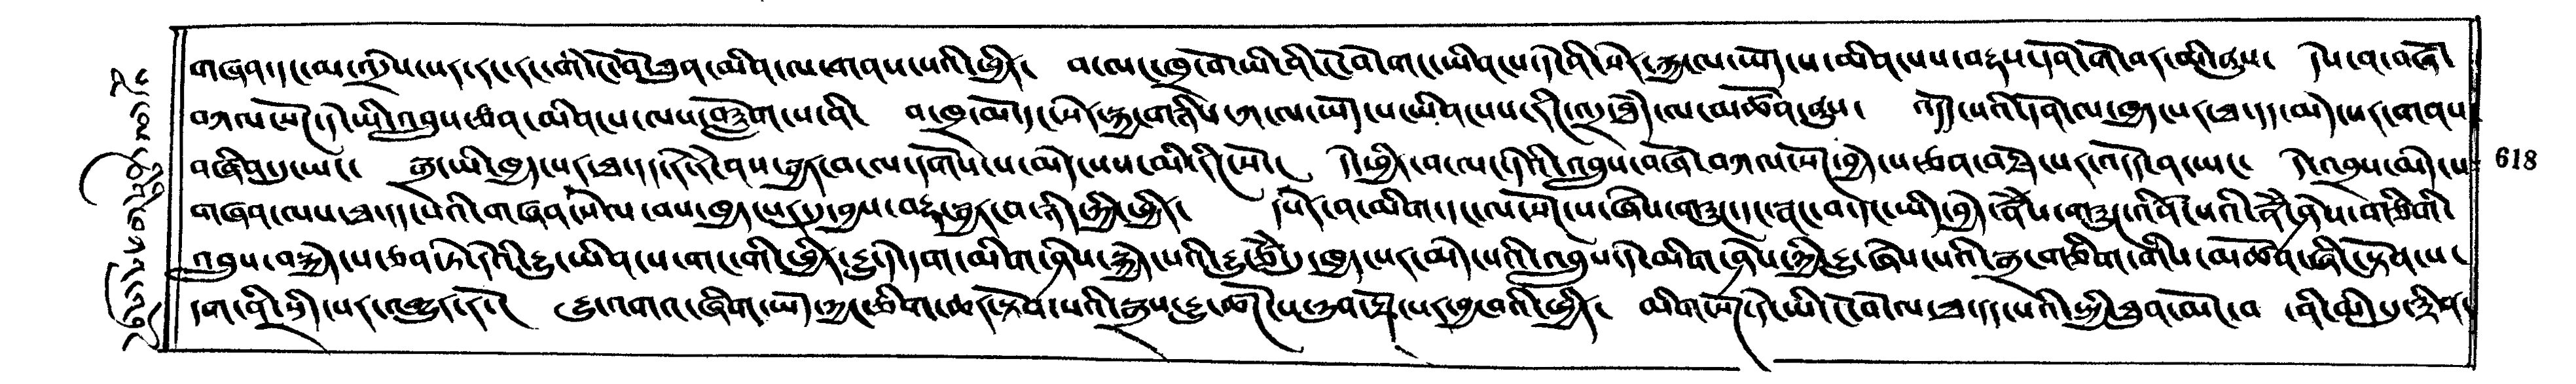གཞན་དང་མ་འདྲེས་པར་རང་རང་གི་ངོ་བོ་ཐུན་མིན་ལ་གནས་པའི་ཕྱིར། བ་ལང་ཁྲ་བོ་ཡི་ནི་ངོ་བོ་གང་ཡིན་པ་དེ་ནི་སེར་སྐྱ་ལ་ཡོད་པ་མིན་པས་བརྡས་དོན་གོ་བར་མི་ནུས། དེས་ན་བཞོ་
བཀལ་སོགས་དེའི་འབྲས་བུ་ཅན་མིན་པ་ལས་ལྡོག་པ་ནི། བ་ཁྲ་བོ་དང་སེར་སྐྱ་གཉིས་ཀ་ལ་ཡོད་པ་ཡིན་པས་རིགས་འདྲ་ཐམས་ཅད་ལ་མཚོན་ནུས། འདོད་པའི་དོན་ལ་ཁྱད་པར་ཐ་དད་མེད་པར་གནས་
བཞིན་དུ་ཡང་། སྒྲའི་ཁྱད་པར་ཐ་དད་རེ་རེ་ནས་སྦྱར་བ་ལ་དགོས་པ་མེད་པས་མི་རིགས་སོ།། དེའི་ཕྱིར་བ་ལང་དེའི་འབྲས་བུས་བཞོ་བཀལ་སོགས་བྱེད་པ་ཅན་བརྗོད་པར་འདོད་ན་ཡང་། དེ་འབྲས་མེད་པ་
གཞན་ལས་ཐ་དད་པའི་གཞན་སེལ་བས་ཁྱད་པར་དུ་བྱས་པའི་བརྡ་སྦྱར་བ་ཉིད་ཀྱི་ཕྱིར།དཔེར་ན་མིག་དང་ལ་སོགས་པ་ཞེས་གཟུགས་དང་སྣང་བ་དང་ཡིད་བྱེད་རྣམས་གཟུགས་འཛིན་པའི་རྣམ་ཤེས་གཅིག་གི་
འབྲས་བུ་བསྐྱེད་པ་ཅན་ཏེ་དེའི་རྒྱུ་ཡིན་པ་གང་གི་ཕྱིར་རྒྱུ་དེ་དག་མིག་ཤེས་སྐྱེད་པའི་རྒྱུ་ཙམ་དུ་ཁྱད་པར་མེད་པའི་འབྲས་བུ་དེ་མིག་ཤེས་ཀྱི་རྒྱུ་ཞེས་པའི་སྒྲ་གཅིག་གིས་མཚོན་ཞིང་སྟོན་པ་
དག་ནི་སྲིད་པར་འགྱུར་རོ།། རྒྱུ་འགའ་ཞིག་ཡོད་ཀྱང་ཅིག་ཆར་སྟོན་པའི་སྒྲས་རྒྱུ་ཚོགས་པ་ཀུན་རྟོགས་པར་བྱ་བའི་ཕྱིར། མིག་སོགས་དེའི་ངོ་བོ་ལ་ཐ་དད་པའི་སྤྱི་ཐུན་མོང་བ་ནི་མེད་དུ་ཟིན་